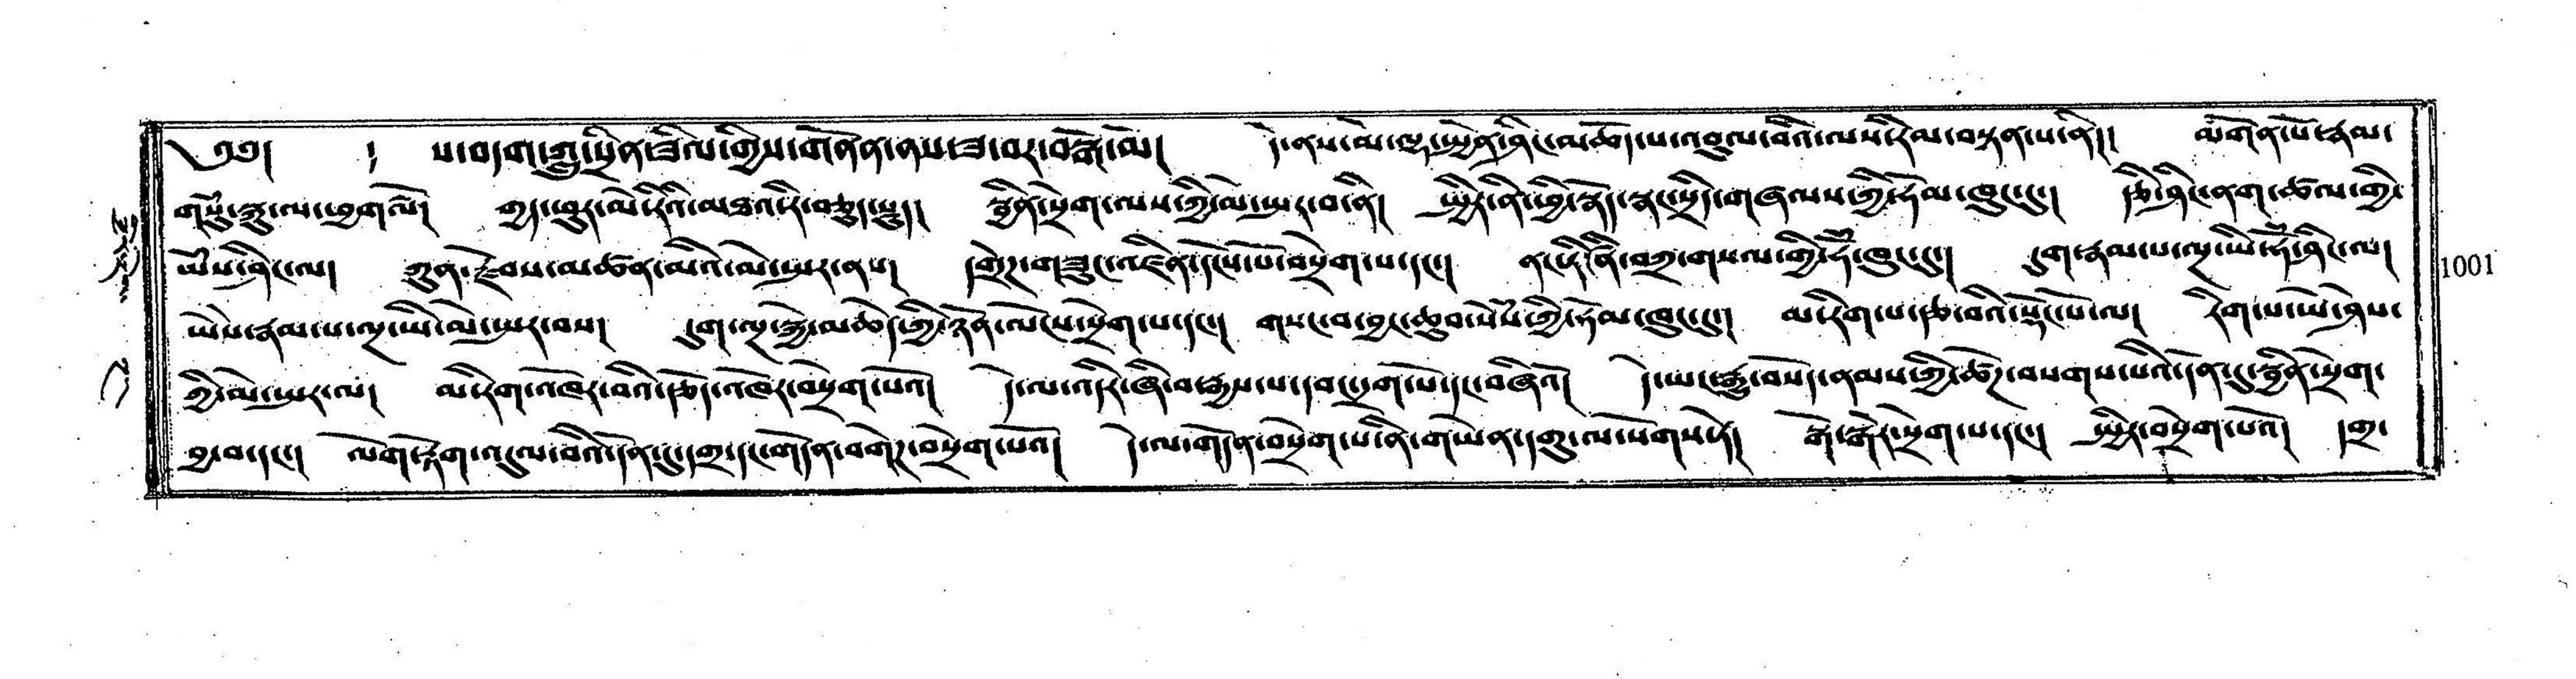ས་བདག་ཀླུ་སྲིན་ཟིལ་གྱིས་གནོན་ནས་ཟ་བར་བསྒོམ་མོ། དེ་ནས་མེ་ལྷ་སྤྱན་འདྲེན་ཞིང་མཆོད་པ་འབུལ་བའི་ལས་རིམ་བསྟན་པ་ནི།། མགོན་པོ་རྣམ་
གསུམ་སྐུ་ལ་ཕྱག་འཚལ་ལོ། གྱད་ཕུར་མེ་རིའི་མཐའ་རི་བཅུད་སྡུད། སྦྱིན་སྲེག་ལས་ཀྱི་མེ་སྤར་བ་ནི། སྤྱིར་ནི་ཕྱི་སྣོད་སྣང་སྲིད་གཞལ་ཡས་ཀྱི་ཧོམ་ཁུང་དུ། རྩི་ཤིང་ནགས་ཚལ་གྱི་
ཡམས་ཤིང་ལ། ཀུན་རྫོབས་མཚན་མའི་མེ་སྤར་ནས། དགྲ་བགེགས་གཟུང་འཛིན་དངོས་པོ་བསྲེག་པ་དང་། ནང་ཏིང་འཛིན་བཀྲ་གསལ་གྱི་ཧོམ་ཁུང་དུ། དུག་རྣམ་པ་ལྔ་ཡི་ཧོམ་ཤིང་ལ། 
ཡེ་ཤེས་རྣམ་པ་ལྔ་ཡི་མེ་སྤར་བས། དུག་ལྔ་སྐྱེ་མཆེད་ཀྱི་ཉོན་མོངས་སྲེག་པ་དང་། གསང་བ་བྱང་ཆུབ་སེམས་ཀྱི་ཧོམ་ཁུང་དུ། མ་རིག་པ་རྩ་བའི་སྡོང་པོ་ལ། རིག་པ་ཡེ་ཤེས་
ཀྱི་མེ་སྤར་ལ། མ་རིག་འཁོར་བའི་རྩོད་འཁོར་བསྲེག་པའོ། དེ་ལ་འདིར་ཞི་བ་རྒྱས་པ་དབང་དྲག་པོ་དང་བཞིའོ། དེ་ཡང་རྒྱུ་བསོད་ནམས་ཀྱི་ཚོགས་བསགས་པའི་དོན་དུ་སྦྱིན་སྲེག་
བྱ་བ་དང་། ལོག་རྟོག་འདུལ་བའི་དོན་དུ་དགྲ་དང་གདོན་བགེགས་བསྲེག་པའོ། དེ་ལ་གདོན་བསྲེག་པ་ནི་གཡེན་དགུ་ལ་སོགས་ཏེ། སྒོ་སྒོར་སྲེག་པ་དང་། སྤྱིར་བསྲེག་པའོ། དགྲ་